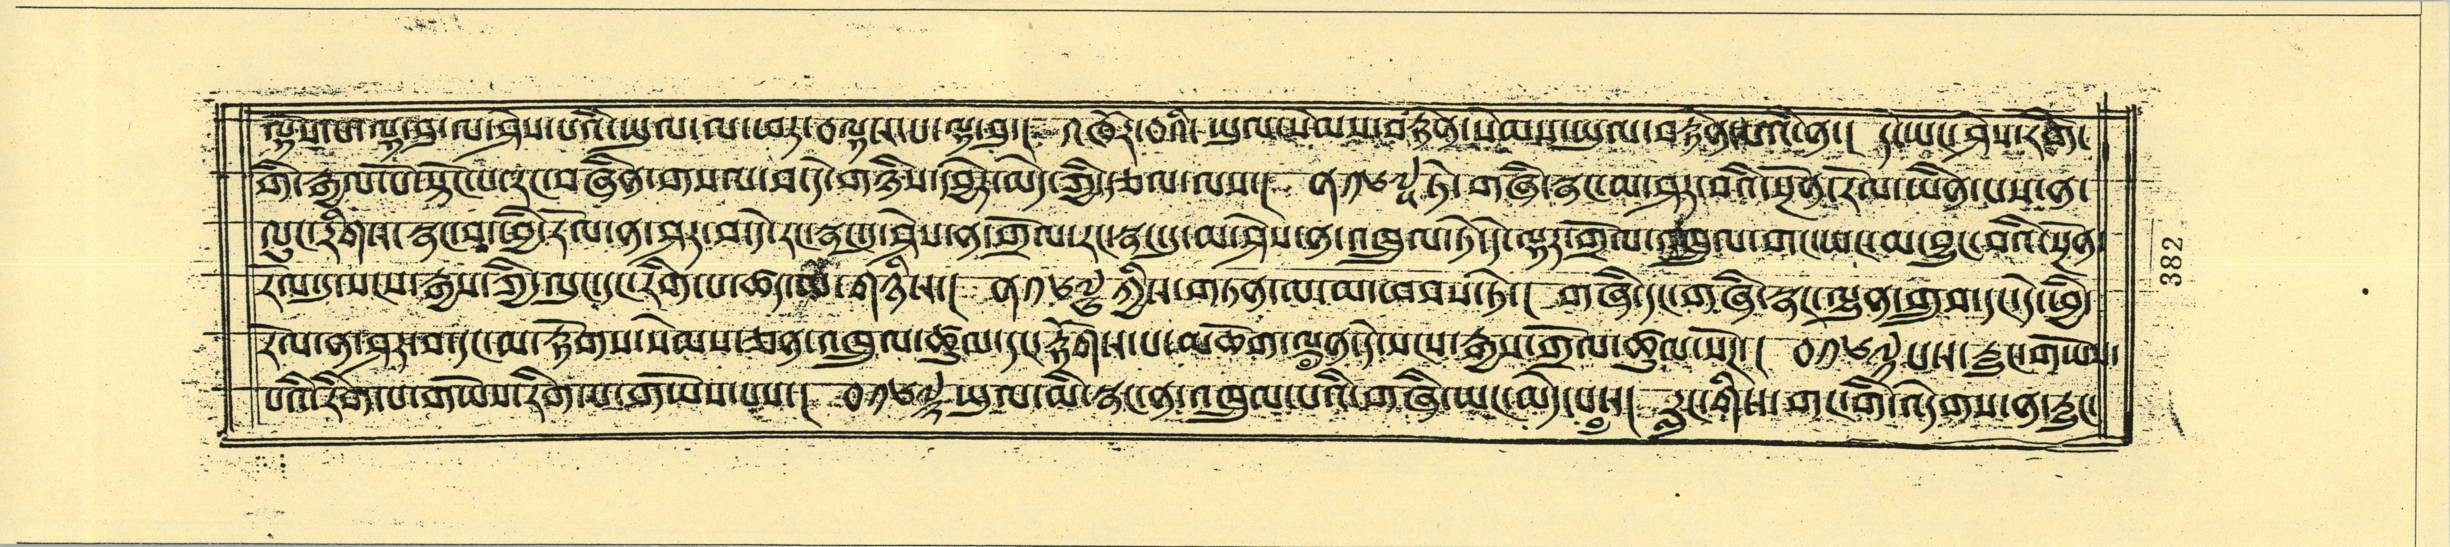ལྟོས་པ་ལྟ་བུ་ལ་ཤེས་པའི་ཡུལ་ལ་ཕར་ ༼བལྟས་པ་༽ལྟ་བུ། ༼འཁོར་བའི་༽ཡུལ་སེམས་བརྟེན་སེམས་ཡུལ་བརྟེན་པའི་ན། ༼དེ་ཡང་༽ཤེས་རིག་
གི་རྒྱལ་པོ་སྟོང་པ་རང་བཞིན་གསལ་བ་དེ་གཉིས་དབྱེད་མེད་ཀྱི་རྩལ་ལས། ན༡༦༧།༥ ༼ཏེ་༽གཞི་སྣང་མ་ཤར་བའི་སྔོན་རོལ་ཡིན་པས་ན་ 
༼ལུང་རིགས་༽སྣང་བ་ཕྱི་རོལ་ན་ཤར་བ་དེ་རང་སྣང་དུ་ཤེས་ན་གྲོལ་རང་སྣང་དུ་མ་ཤེས་ན་འཁྲུལ་ཏེ་དེ་ལྟར་གྲོལ་འཁྲུལ་གང་ཡང་མ་བྱུང་བའི་སྔོན་
རོལ་དུ་སངས་རྒྱས་ཀྱི་ལུང་དང་རིག་པ་ ༼ཚད་མ་གཉིས།༽ན༡༦༧།༦ ༼ཀྱིས་༽གཏན་ལ་མ་ཕབས་ཏེ། གཞི་དང་གཞི་སྣང་ལྷུན་གྲུབ་དང་དེ་ཕྱི་
རོལ་ན་ཤར་བ་དང་མ་རྟོགས་སེམས་ཅན་འཁྲུལ་ཚུལ་དང་ ༼རྟོགས་པ་༽མཆོག་ལྡན་དེ་སངས་རྒྱས་གྲོལ་ཚུལ་སོགས། བ༡༦༧།༡ ༼པས་༽རླུང་གཡོས་
པའི་རིག་པ་གཡོས་རིག་པ་གཡོས་པས། བ༡༦༧།༢ ཡུལ་མི་སྣང་ན་འཁྲུལ་པའི་གཞི་ཡང་མེད་ ༼པས།༽ ༼རླུང་གིས་༽གང་གི་འདེགས་ན་རླུང་